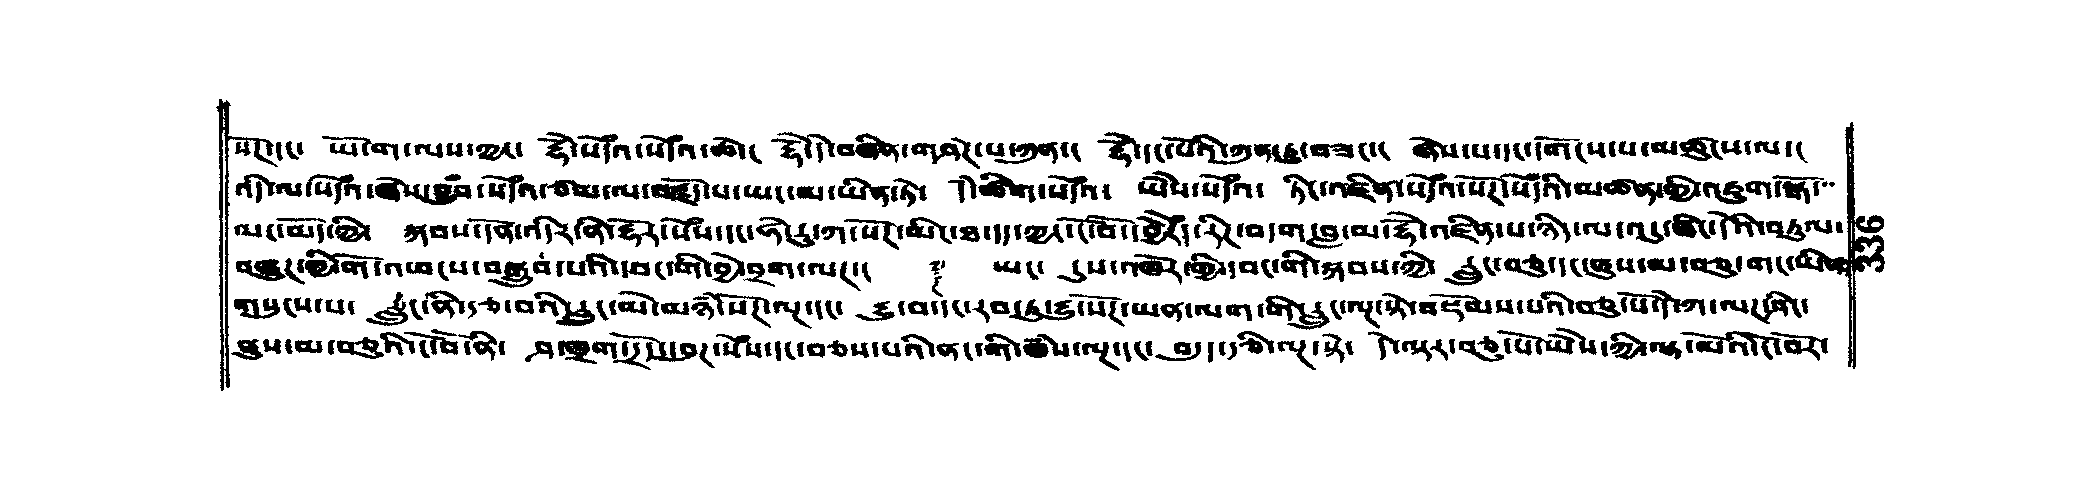སོགས་དང་། ཡོ་ག་ལས་ཀྱང་། །རྡོ་རྗེ་སེམས་དཔའ་སེམས་དཔའ་ཆེ། །རྡོ་རྗེ་དེ་བཞིན་གཤེགས་པ་ཀུན། རྡོ་རྗེ་དང་པོའི་ཀུན་ཏུ་བཟང་། ཞེས་པ་དང་དགོངས་པ་མཚུངས་ལ། 
འདི་ལ་སེམས་དཔའ་ཞེས་བྱང་ཆུབ་སེམས་དཔའ་ཙམ་ལ་བརྗོད་པ་ཡང་མ་ཡིན་ཏེ། དམ་ཚིག་སེམས་དཔའ།ཡེ་ཤེས་སེམས་དཔའ། ཏིང་འཛིན་སེམས་དཔའ་སོགས་སེམས་དཔའི་མཚན་གྱི་འཇུག་སྒོ་
མང་མོད་ཀྱི། སྐབས་དོན་འདིར་ནི་རྡོར་སེམས་དང་ཧེ་རུ་ཀ་སོགས་མིང་ཐ་དད་ཀྱང་ངོ་བོ་དབྱེར་མེད་རིགས་བདག་བླ་མ་རྡོ་རྗེ་འཛིན་པ་ཉིད་ལ་འདུ་ཞིང་དེའི་བརྟུལ་
ཞུགས་ཀྱི་གོ་འཕང་བསྒྲུབ་པའི་དབང་གི་བྱེ་བྲག་ལགས། ༈ ཡང་། དུས་འཁོར་གྱི་དབང་གི་སྐབས་ཀྱི། རླུང་བཅུ་དང་ནུས་མ་བཅུ་གང་ཡིན་
གསུངས་པ། རླུང་ནི་རྩ་བའི་རླུང་མེ་མཉམ་སོགས་ལྔ་དང་། རྒྱུ་བ་དང་རབ་ཏུ་རྒྱུ་སོགས་ཡན་ལག་གི་རླུང་ལྔ་སྟེ་བསྡོམས་པའི་བཅུ་པོ་དེ་ཀ་ལགས་ཤིང་
ནུས་མ་བཅུའི་ངོ་བོ་ནི། ཤ་ཁྲག་དྲོད་དབུགས་སེམས་དང་བཅས་པའི་ནང་གི་ཁམས་ལྔ་དང་། བདུད་རྩི་ལྔ་སྟེ། དེ་ལྟར་བཅུ་པོ་ཡེ་ཤེས་ཀྱི་ལྷ་མོའི་ངོ་བོར་